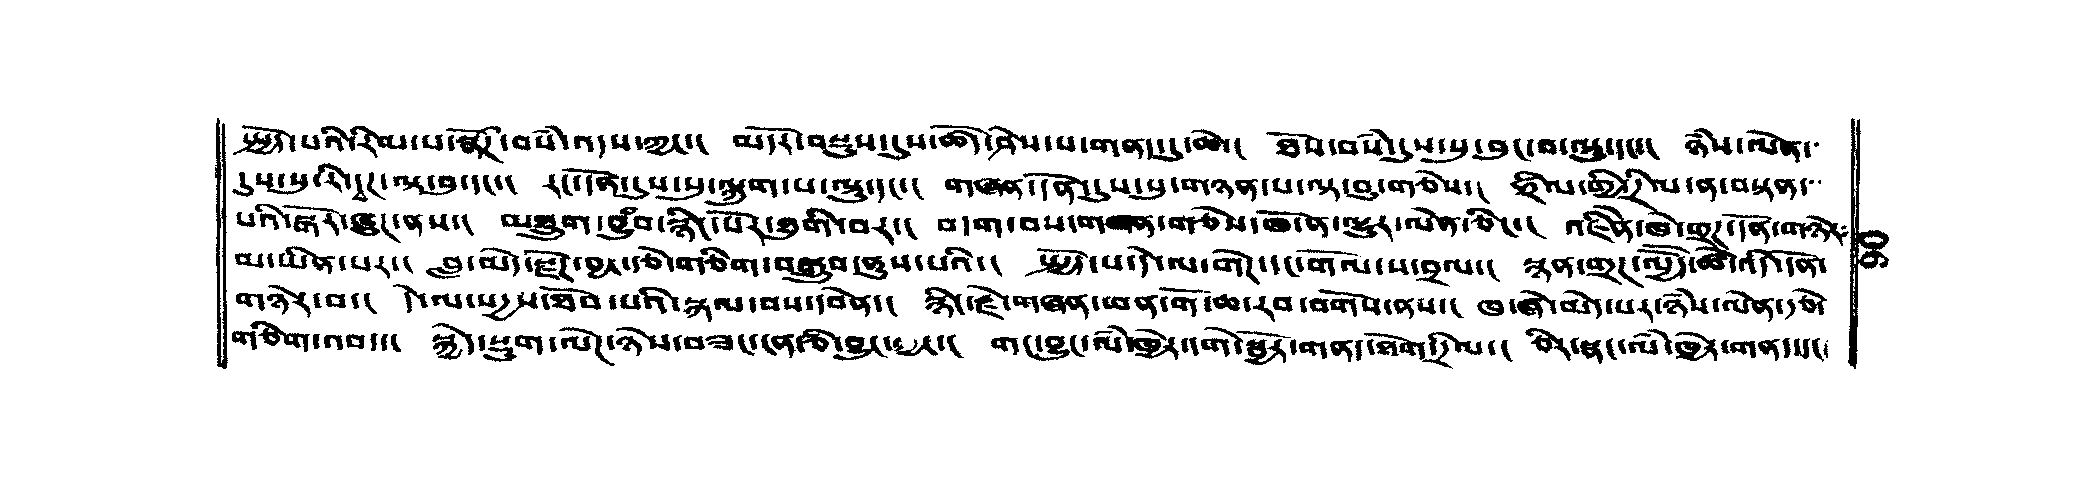སྤྱོད་པའི་རིམ་པ་སྣ་ཚོགས་བསམ་འདས་ཀྱང་། །མདོར་བསྡུས་རིག་པ་ཤེས་པ་གནད་དུ་ཆེ། །ཐོས་བསམ་དུས་སུ་བུང་བ་ལྟ་བུ་དང་། །ཉམས་ལེན་
དུས་སུ་རི་དྭགས་ལྟ་བུ་དང་། །རང་དོན་དུས་སུ་ལྐུགས་པ་ལྟ་བུ་དང་། །གཞན་དོན་དུས་སུ་གཉན་པ་ལྟ་བུ་གཅེས། །ཧྲིལ་གྱི་དྲིལ་ན་བསྟན་
པའི་སྒོར་ཞུགས་ནས། །1$1000180མཐར་ཐུག་བྱང་ཆུབ་སྙིང་པོ་ཐུག་གི་བར། །བདག་པས་གཞན་གཅེས་ཁོ་ན་ལྷུར་ལེན་ཅིང་། །འཇིག་རྟེན་ཁེ་གྲགས་དོན་གཉེར་
མ་ཡིན་པར། །བླ་མེད་རྫོགས་བྱང་རྩེ་གཅིག་བསྒྲུབ་ནུས་པའི། །སྤྱོད་པ་དེ་ལ་བགེགས་དང་གོལ་ས་བྲལ། །སྙན་གྲགས་ལོངས་སྤྱོད་ཚཻ་འདི་དོན་
གཉེར་བ། །དེ་ལ་སངས་རྒྱས་ཐོབ་པའི་སྐལ་བས་དབེན། །སྙིང་རྗེ་གཞན་ཕན་གོ་ཆ་རབ་བགོས་ནས། །ཁ་ཞེ་མེད་པར་ཉམས་ལེན་རྩེ་
གཅིག་འབད། །སྐྱིད་སྡུག་ལེགས་ཉེས་བཟང་ངན་ཅི་བྱུང་ཀྱང་། །གང་བྱུང་ལམ་ཁྱེར་དགེ་སྦྱོར་གནད་ཐོག་དྲིལ། །ཅིར་སྣང་ལམ་ཁྱེར་གནད་དང་